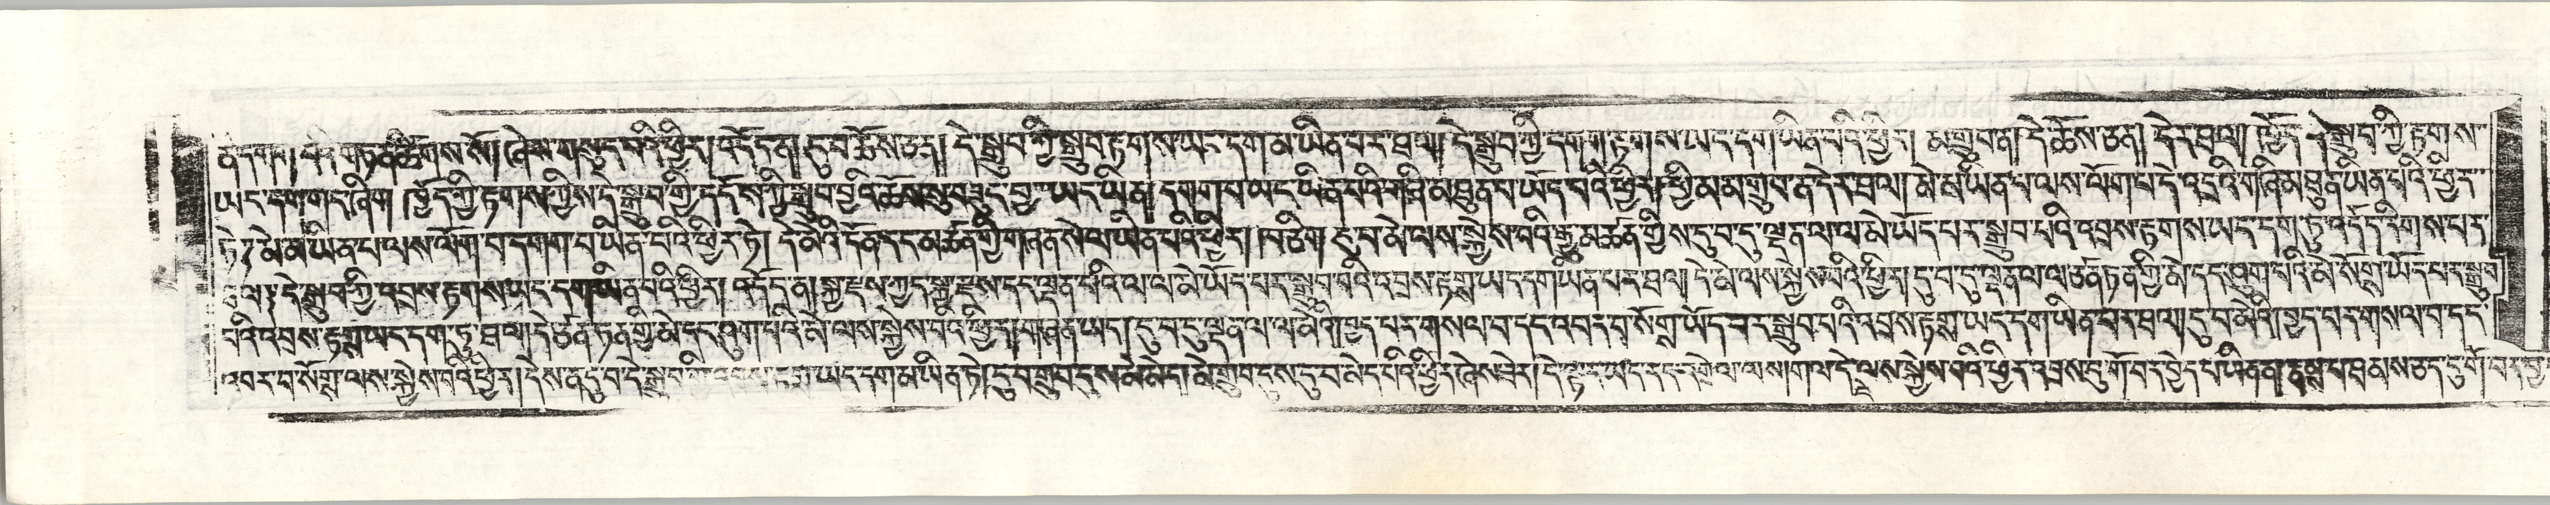ནི་དགག་པའི་གཏན་ཚིགས་སོ། ཞེས་གསུངས་པའི་ཕྱིར། འདོད་ན། དུ་བ་ཆོས་ཅན། དེ་སྒྲུབ་ཀྱི་སྒྲུབ་རྟགས་ཡང་དག་མ་ཡིན་པར་ཐལ། དེ་སྒྲུབ་ཀྱི་དགག་རྟགས་ཡང་དག་ཡིན་པའི་ཕྱིར། མ་གྲུབ་ན། དེ་ཆོས་ཅན། དེར་ཐལ། ཁྱོད་དེ་སྒྲུབ་ཀྱི་རྟགས་
ཡང་དག་གང་ཞིག །ཁྱོད་ཀྱི་རྟགས་ཀྱིས་དེ་སྒྲུབ་གྱི་དངོས་ཀྱི་བསྒྲུབ་བྱའི་ཆོས་སུ་བཟུང་བྱ་ཡང་ཡིན། དགག་པ་ཡང་ཡིན་པའི་གཞི་མཐུན་པ་ཡོད་པའི་ཕྱིར། ཕྱི་མ་མ་གྲུབ་ན་དེར་ཐལ། མེ་མ་ཡིན་པ་ལས་ལོག་པ་དེ་འདྲའི་གཞི་མཐུན་ཡིན་པའི་ཕྱིར་
ཏེ། མེ་མ་ཡིན་པ་ལས་ལོག་པ་དགག་པ་ཡིན་པའི་ཕྱིར་ཏེ། དེ་མེའི་དོན་རང་མཚན་གྱི་གཞན་སེལ་ཡིན་པའི་ཕྱིར། ཁ་ཅིག །དུ་བ་མེ་ལས་སྐྱེས་པའི་རྒྱུ་མཚན་གྱིས་དུ་བ་དུ་ལྡན་ལ་ལ་མེ་ཡོད་པར་སྒྲུབ་པའི་འབྲས་རྟགས་ཡང་དག་ཏུ་འདོད་རིགས་པར་
ཐལ། དེ་སྒྲུབ་ཀྱི་འབྲས་རྟགས་ཡང་དག་ཡིན་པའི་ཕྱིར། འདོད་ན། སྐྱ་རྫས་ཀྱང་སྐྱ་རྫས་དང་ལྡན་པའི་ལ་ལ་མེ་ཡོད་པར་སྒྲུབ་པའི་འབྲས་རྟགས་ཡང་དག་ཡིན་པར་ཐལ། དེ་མེ་ལས་སྐྱེས་པའི་ཕྱིར། དུ་བ་དུ་ལྡན་ལ་ལ་ཙན་དན་གྱི་མེ་དང་ཤུག་པའི་མེ་སོགས་ཡོད་པར་སྒྲུབ་
པའི་འབྲས་རྟགས་ཡང་དག་ཏུ་ཐལ། དེ་ཙན་དན་གྱི་མེ་དང་ཤུག་པའི་མེ་ལས་སྐྱེས་པའི་ཕྱིར། གཞན་ཡང་།དུ་བ་དུ་ལྡན་ལ་ལ་མེའི་ཁྱད་པར་གསལ་བ་དང་འབར་བ་སོགས་ཡོད་པར་སྒྲུབ་པའི་འབྲས་རྟགས་ཡང་དག་ཡིན་པར་ཐལ། དུ་བ་མེའི་ཁྱད་པར་གསལ་བ་དང་
འབར་བ་སོགས་ལས་སྐྱེས་པའི་ཕྱིར། དེས་ན་དུ་བ་དེ་སྒྲུབ་གྱི་འབྲས་རྟགས་ཡང་དག་མ་ཡིན་ཏེ། དུ་བ་གྲུབ་དུས་མེ་མེད། མེ་གྲུབ་དུས་དུ་བ་མེད་པའི་ཕྱིར་ཞེས་ཟེར། དེ་ལྟར་ཡང་རང་འགྲེལ་ལས། གལ་དེ་དེ་ལས་སྐྱེས་པའི་ཕྱིར་འབྲས་བུ་གོ་བར་བྱེད་པ་ཡིན་ན། རྣམ་པ་ཐམས་ཅད་དུ་གོ་བར་བྱ་བ།